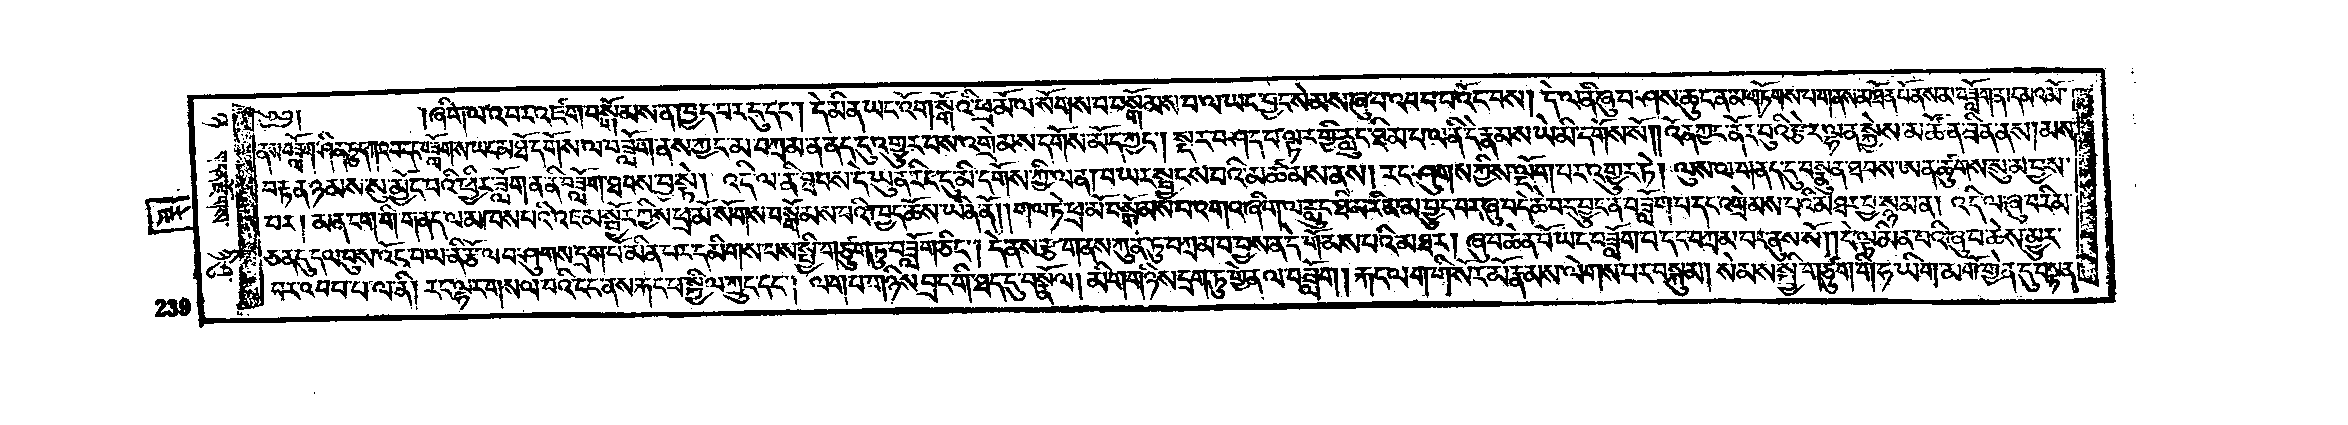༄༅། །ཞིག་ལ་འབར་འཛག་བསྒོམས་ན་ཁྱད་པར་དུ་དང་། དེ་མིན་ཡང་འོག་སྒོའི་ཕྲ་མོ་ལ་སོགས་པ་བསྒོམས་པ་ལ་ཡང་བྱང་སེམས་ཞུ་བ་འབབ་པ་འོངས་བས། དེ་ལ་ནི་ཞུ་བ་ཤས་ཆུང་ན་མ་གཏོགས་པ་གནས་མཐོན་པོ་ནས་མ་བཟློག་ན། དམའ་མོ་
ནས་བཟློག་ཤིན་ཏུ་དཀའ་བ་དང་བཟློགས་ཡང་མཐོ་དགོས་ལ་བཟློག་ནས་ཀྱང་མ་བགྲམ་ན་ནད་དུ་འགྱུར་བས་འགྲེམས་དགོས་མོད་ཀྱང་། སྔར་བཤད་པ་ལྟར་གྱི་རླུང་ཐིམ་པ་ལ་ནི་དེ་རྣམས་ཡེ་མི་དགོས་སོ། །འོན་ཀྱང་ནོར་བུའི་རྩེར་ལྷན་སྐྱེས་མཚོན་ཟིན་ནས། མས་
བརྟན་ཉམས་སུ་མྱོང་བའི་ཕྱིར་ཟློག་ན་ནི་བཟློག་ཐབས་བྱ་སྟེ། འདི་ལ་ནི་ཐབས་དེ་ཡུན་རིང་དུ་མི་དགོས་ཀྱི་ལན་ཁ་ཡར་སྦྱངས་པའི་མཚམས་ནས། རང་ཤུགས་ཀྱིས་ལྡོག་པར་འགྱུར་ཏེ། ལུས་ལ་གནད་དུ་བསྣུན་ཐབས་ཨ་ན་ཚུགས་སུ་མ་བྱས་
བར། མན་ངག་གི་གནད་ལ་མཁས་པའི་འཇམ་སྦྱོར་གྱིས་ཕྲ་མོ་སོགས་བསྒོམས་པའི་ཁྱད་ཆོས་ཡིན་ནོ། །གལ་ཏེ་ཕྲ་མོ་བསྒོམས་པ་འགའ་ཞིག་ལ་རླུང་ཐིམ་རིམ་མ་བྱུང་བར་ཞུ་བདེ་ཆེ་བར་བྱུང་ན་བཟློག་པ་དང་འགྲེམས་པའི་མཐར་བྱ་སྙམ་ན། འདི་ལ་ཞུ་བ་རིམ་
ཅན་དུ་དལ་བུས་འོང་བ་ལ་ནི་རྩོལ་བ་ཤུགས་དྲག་པོ་མིན་པར་དམིགས་པས་སྤྱི་གཙུག་ཏུ་བཟློག་ཅིང་། དེ་ནས་རྩ་གནས་ཀུན་ཏུ་བཀྲམ་པ་བྱས་ན་དེ་གོམས་པའི་མཐར། ཞུ་བ་ཆེན་པོ་ཡང་བཟློག་པ་དང་བཀྲམ་པར་ནུས་སོ། །དེ་ལྟ་མིན་པའི་ཞུ་བ་ཆེས་མྱུར་
བར་འབབ་པ་ལ་ནི། རང་ལྷར་གསལ་བའི་ངང་ནས་རྐང་པ་སྐྱིལ་ཀྲུང་དང་། ལག་པ་གཉིས་བྲང་གི་ཐད་དུ་བསྣོལ། མིག་གཉིས་དྲག་ཏུ་གྱེན་ལ་བཟློག །རྐང་ལག་གི་སོར་མོ་རྣམས་ལེགས་པར་བསྐུམ། སེམས་སྤྱི་གཙུག་གི་ཧཾ་ཡིག་མགོ་གྱེན་དུ་བསྟན་